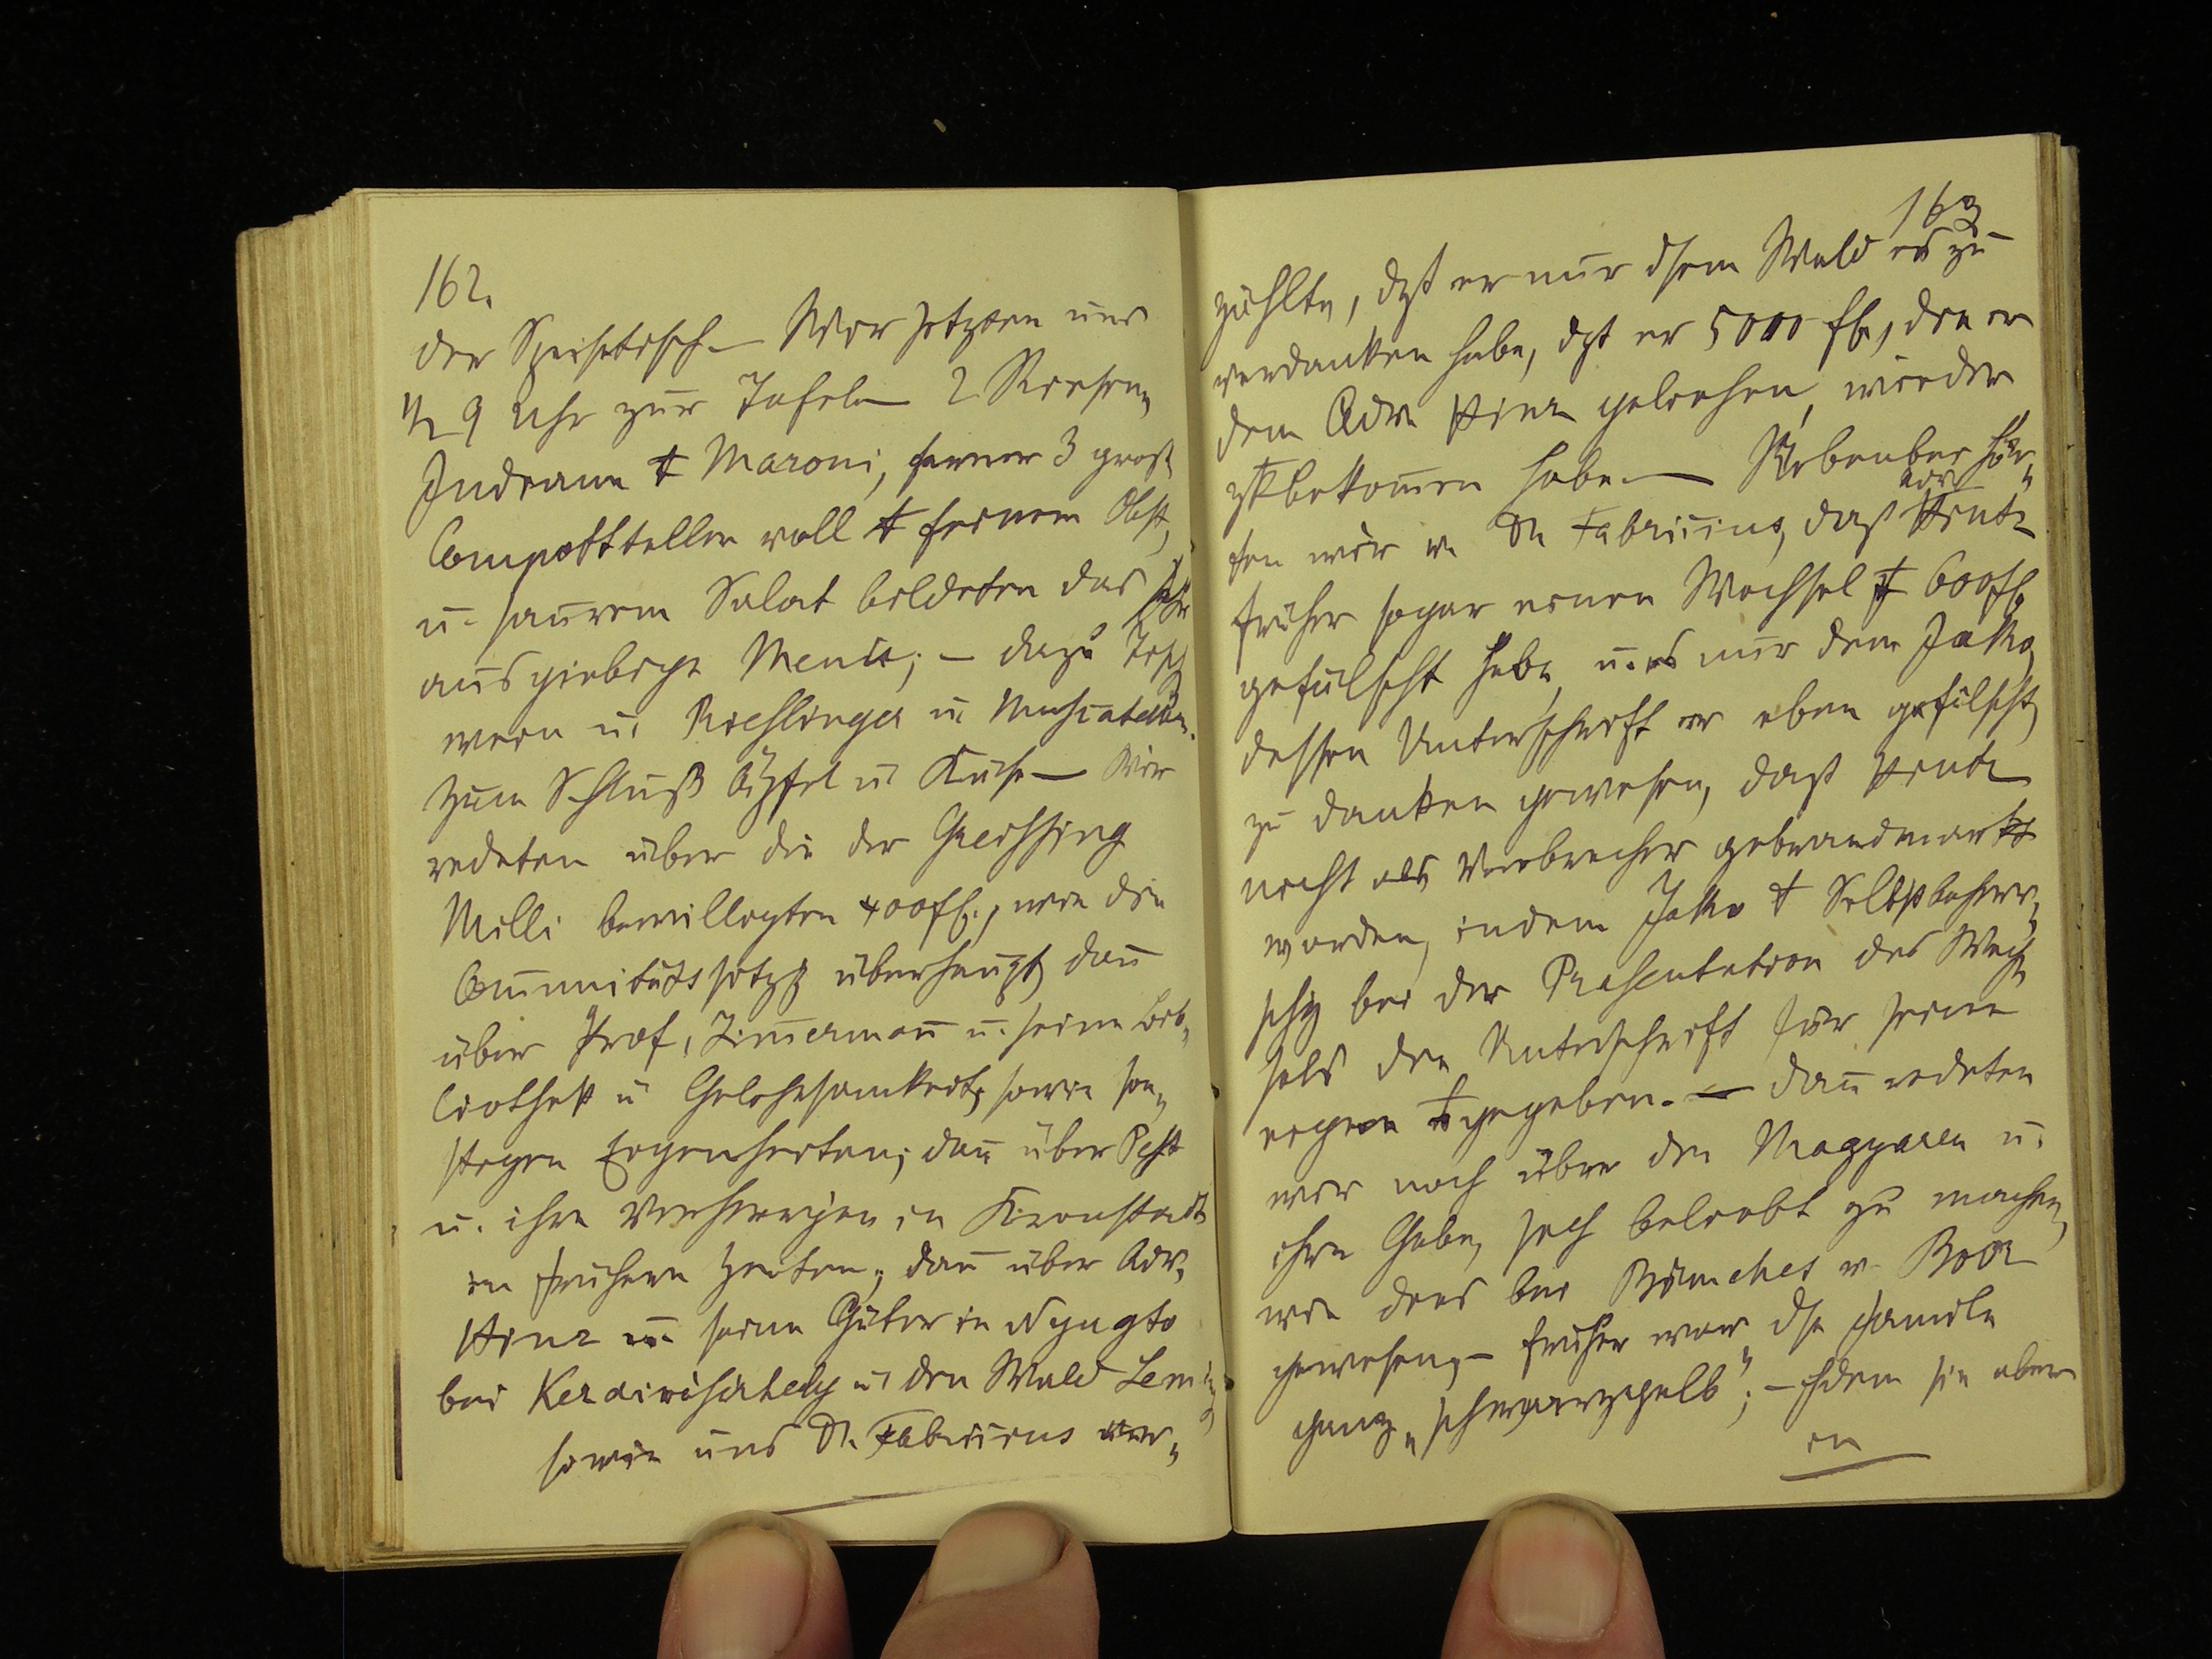162
der Speisetisch- Wir setzten uns
1/2 9 Uhr zur Tafel- 2 ?Strifen
?Indarm mit Maroni, ferner 3 große
Compottheller voll mit feinem Obst
und saurem Salat bildeten das sehr
ausgiebige Menü;- dazu Tisch¬
wein und Rieslinger und Nußrateller
zum Schluß Äpfel und Käse.— Wir
redeten über die der Geissing
Milli bewilligten 400 Fl., von der
Communitätasirtzung überhaupt, dann
über Prof. Zimmermann und seine Bib¬
liothek und Gelehrsamkeit sowie son¬
stige Eigenheiten;-- dann über Pest
und ihre Verherrungen in Kronstadt
in früheren Zeiten;- dann über Adv.
Hinz und seine Güter in Nyagato
bei Kerdirohiehely und den Wald Leminy,
so wie uns Dr. Fabricius er¬
163
zählte, daß er nur diesem Wald es zu
verdanken habe, daß er 5000 Fl., die er
dem Adv. Hinz geliehen, wieder
zurückbekommen habe.- Nebenher hör¬
Adv.
ten wir von Dr. Fabricius, daß Hintz
früher sogar einen Wechsel mit 600 Fl.
gefälscht habe, und es nur dem Jakob
dessen Unterschrift er eben gefälscht
zu danken gewesen, daß Hintz
nicht als Verbrecher gebrandmarkt
worden; indem Jako mit Selbstbeherr¬
schung bei der Presentation des Wech¬
sels die Unterschrift für seine
eigene angegeben. -Dann redeten
wir noch über den Magyaren und
Ihre Gabe, sich beliebt zu machen
wie dieses bei Bömches von Boor
gewesen- Früher war diese Familie
ganz „ schwarzgelb“: - Indem sie aber
in